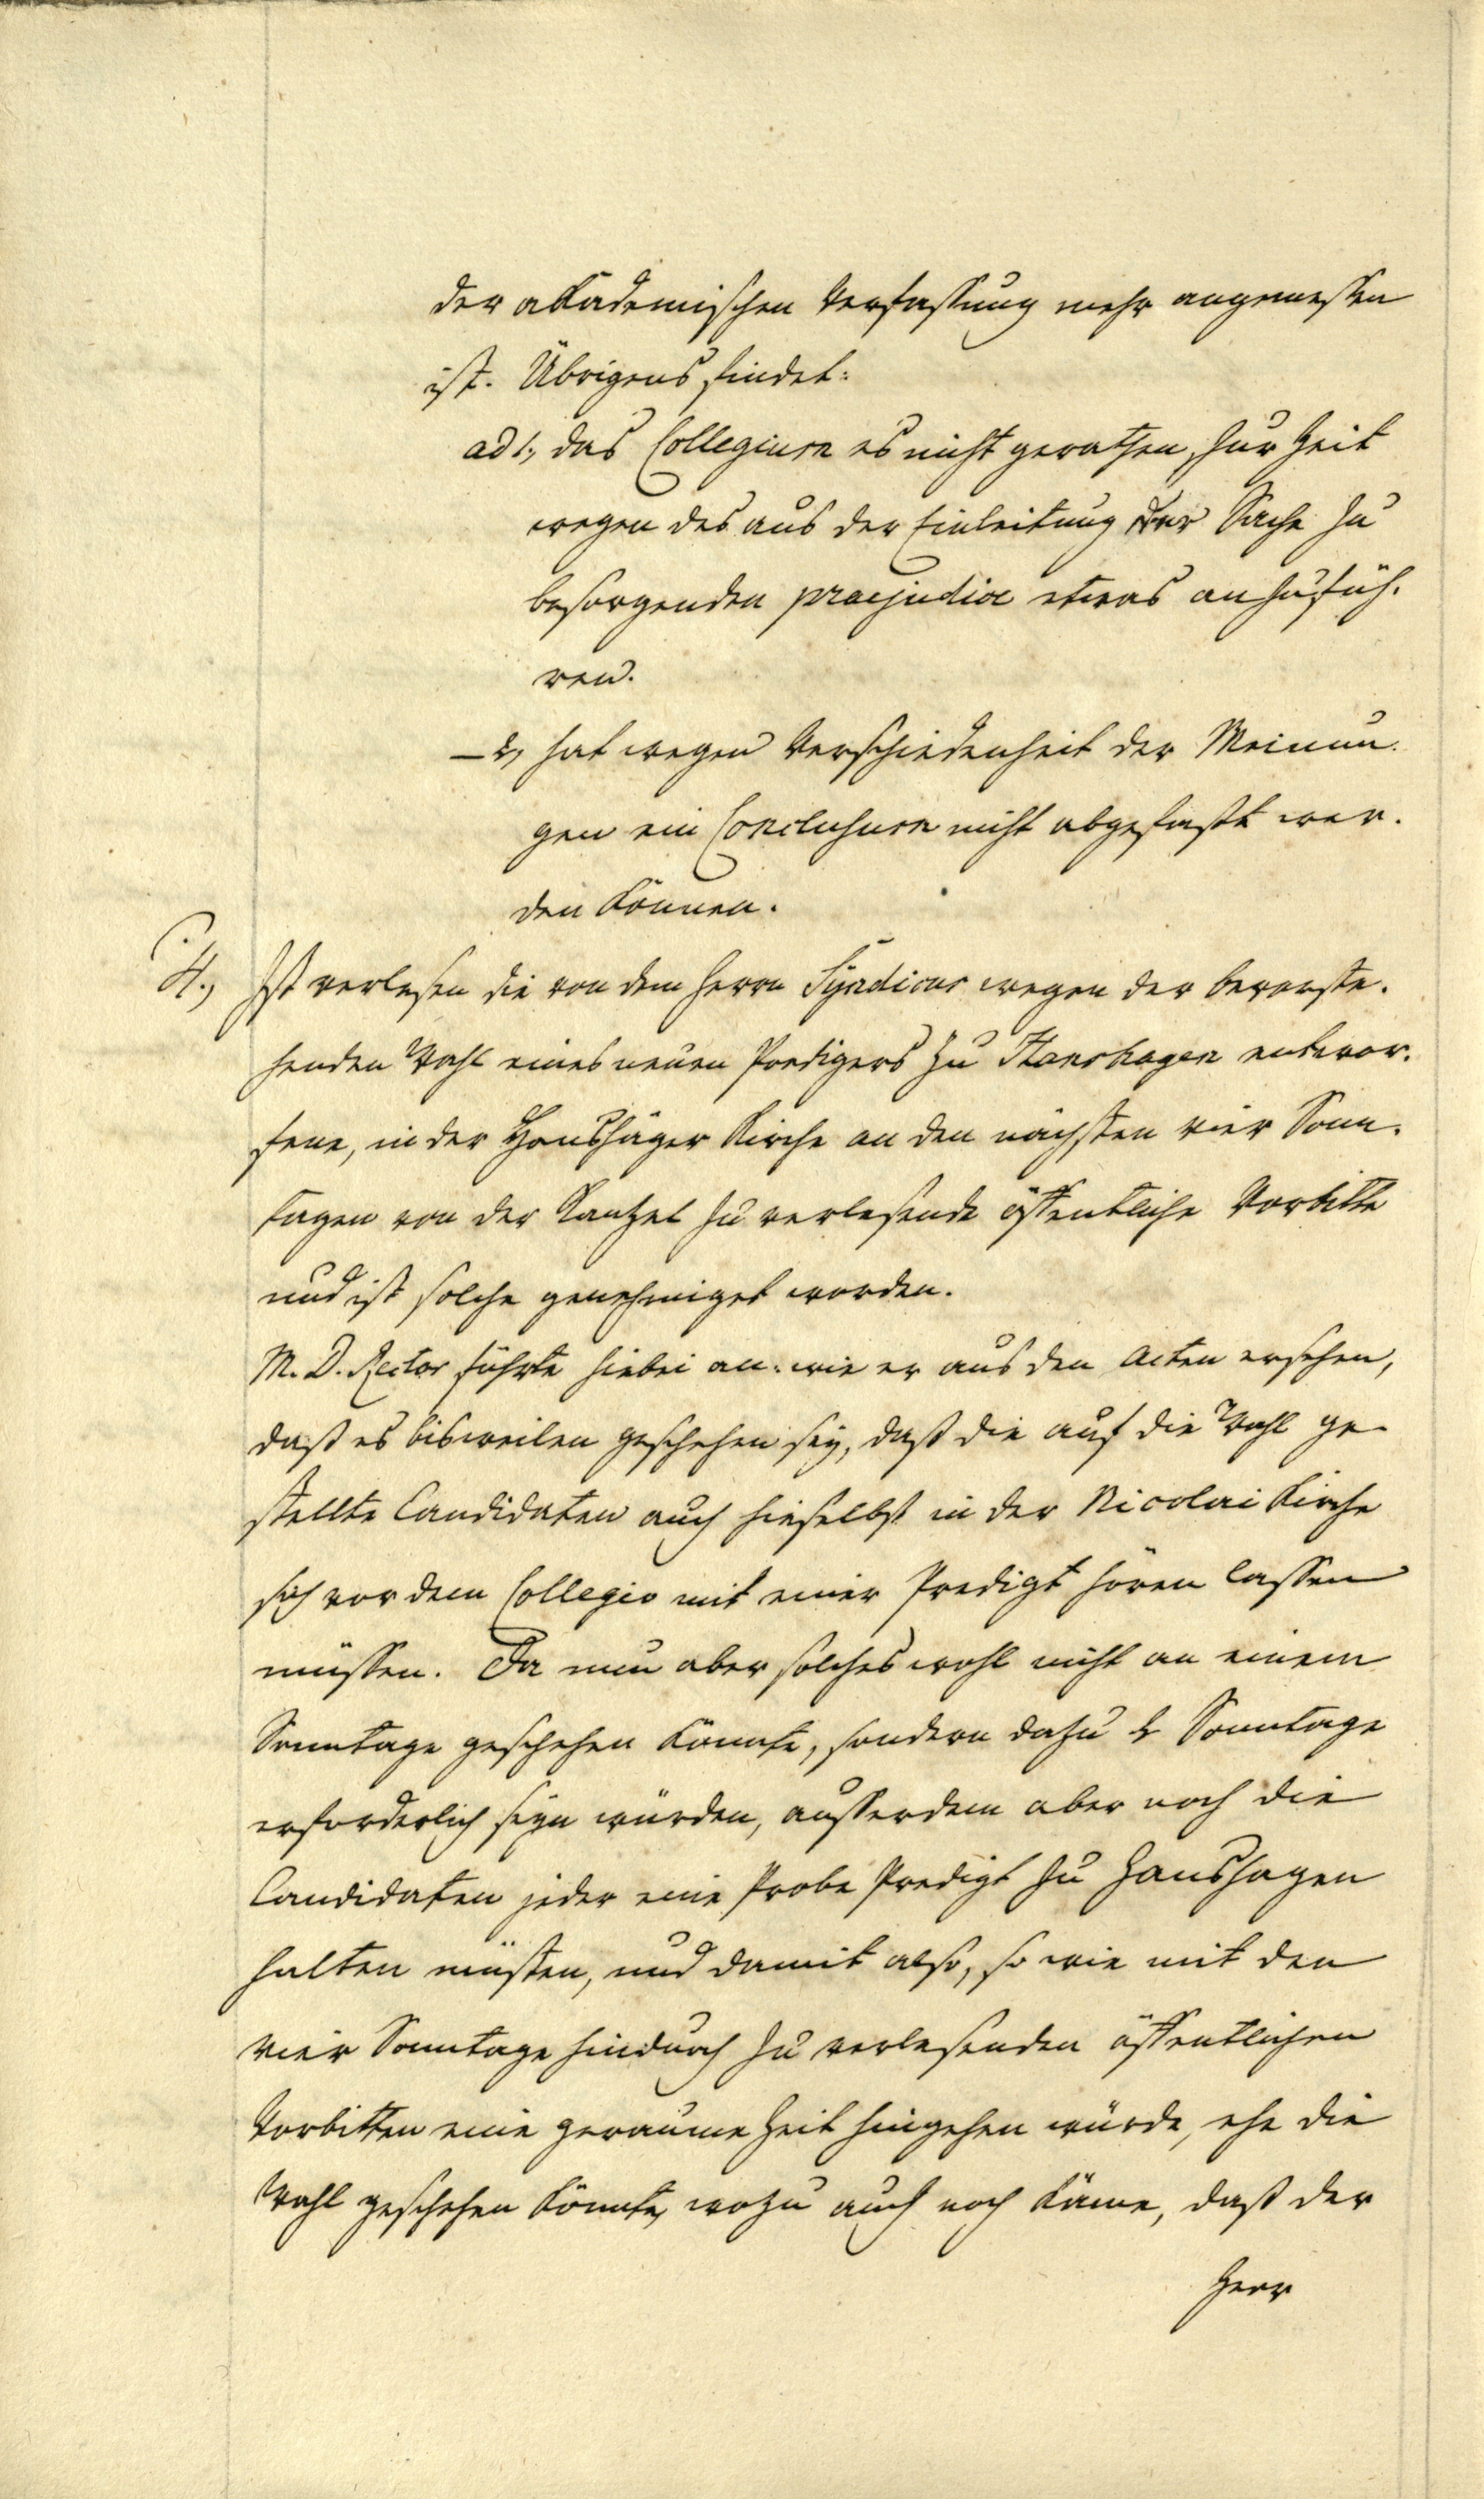der akademischen Verfassung mehr angemessen
ist. Übrigens findet:
ad 1., das Collegium es nicht gerathen, zur Zeit
wegen des aus der Einleitung der Sache zu
besorgenden praejudice etwas anzufüh¬
ren.
2. hat wegen Verschiedenheit der Meinun¬
gen ein Conclusum nicht abgefaßt wer-
den können.
4., Ist verlesen die von dem herrn Sÿndicus wegen der bevorste¬
henden Wahl eines neuen Predigers zu Hanshagen entwor¬
fene, in der Hanshäger Kirche an den nächsten vier Sonn¬
tagen von der Kanzel zu verlesende öffentliche Vorbitte
und ist solche genehmiget worden.
M. D. Rector führte hiebei an: wie er aus den Acten ersehen,
daß es bisweilen geschehen seÿ, daß die auf die Wahl ge¬
stellte Candidaten auch hieselbst in der Nicolai Kirche
sich vor dem Collegio mit einer Predigt hören lassen
müssen. Da nun aber solches wohl nicht an einem
Sonntage geschehen könnte, sondern dazu 2 Sonntage
erforderlich seÿn würden, ausserdem aber noch die
Candidaten jeder eine Probe Predigt zu Hanshagen
halten müsten, und damit also, so wie mit den
vier Sonntage hindurch zu verlesenden öffentlichen
Vorbitten eine geraume Zeit hingehen würde, ehe die
Wahl geschehen könnte, wozu auch noch käme, daß der
Herr